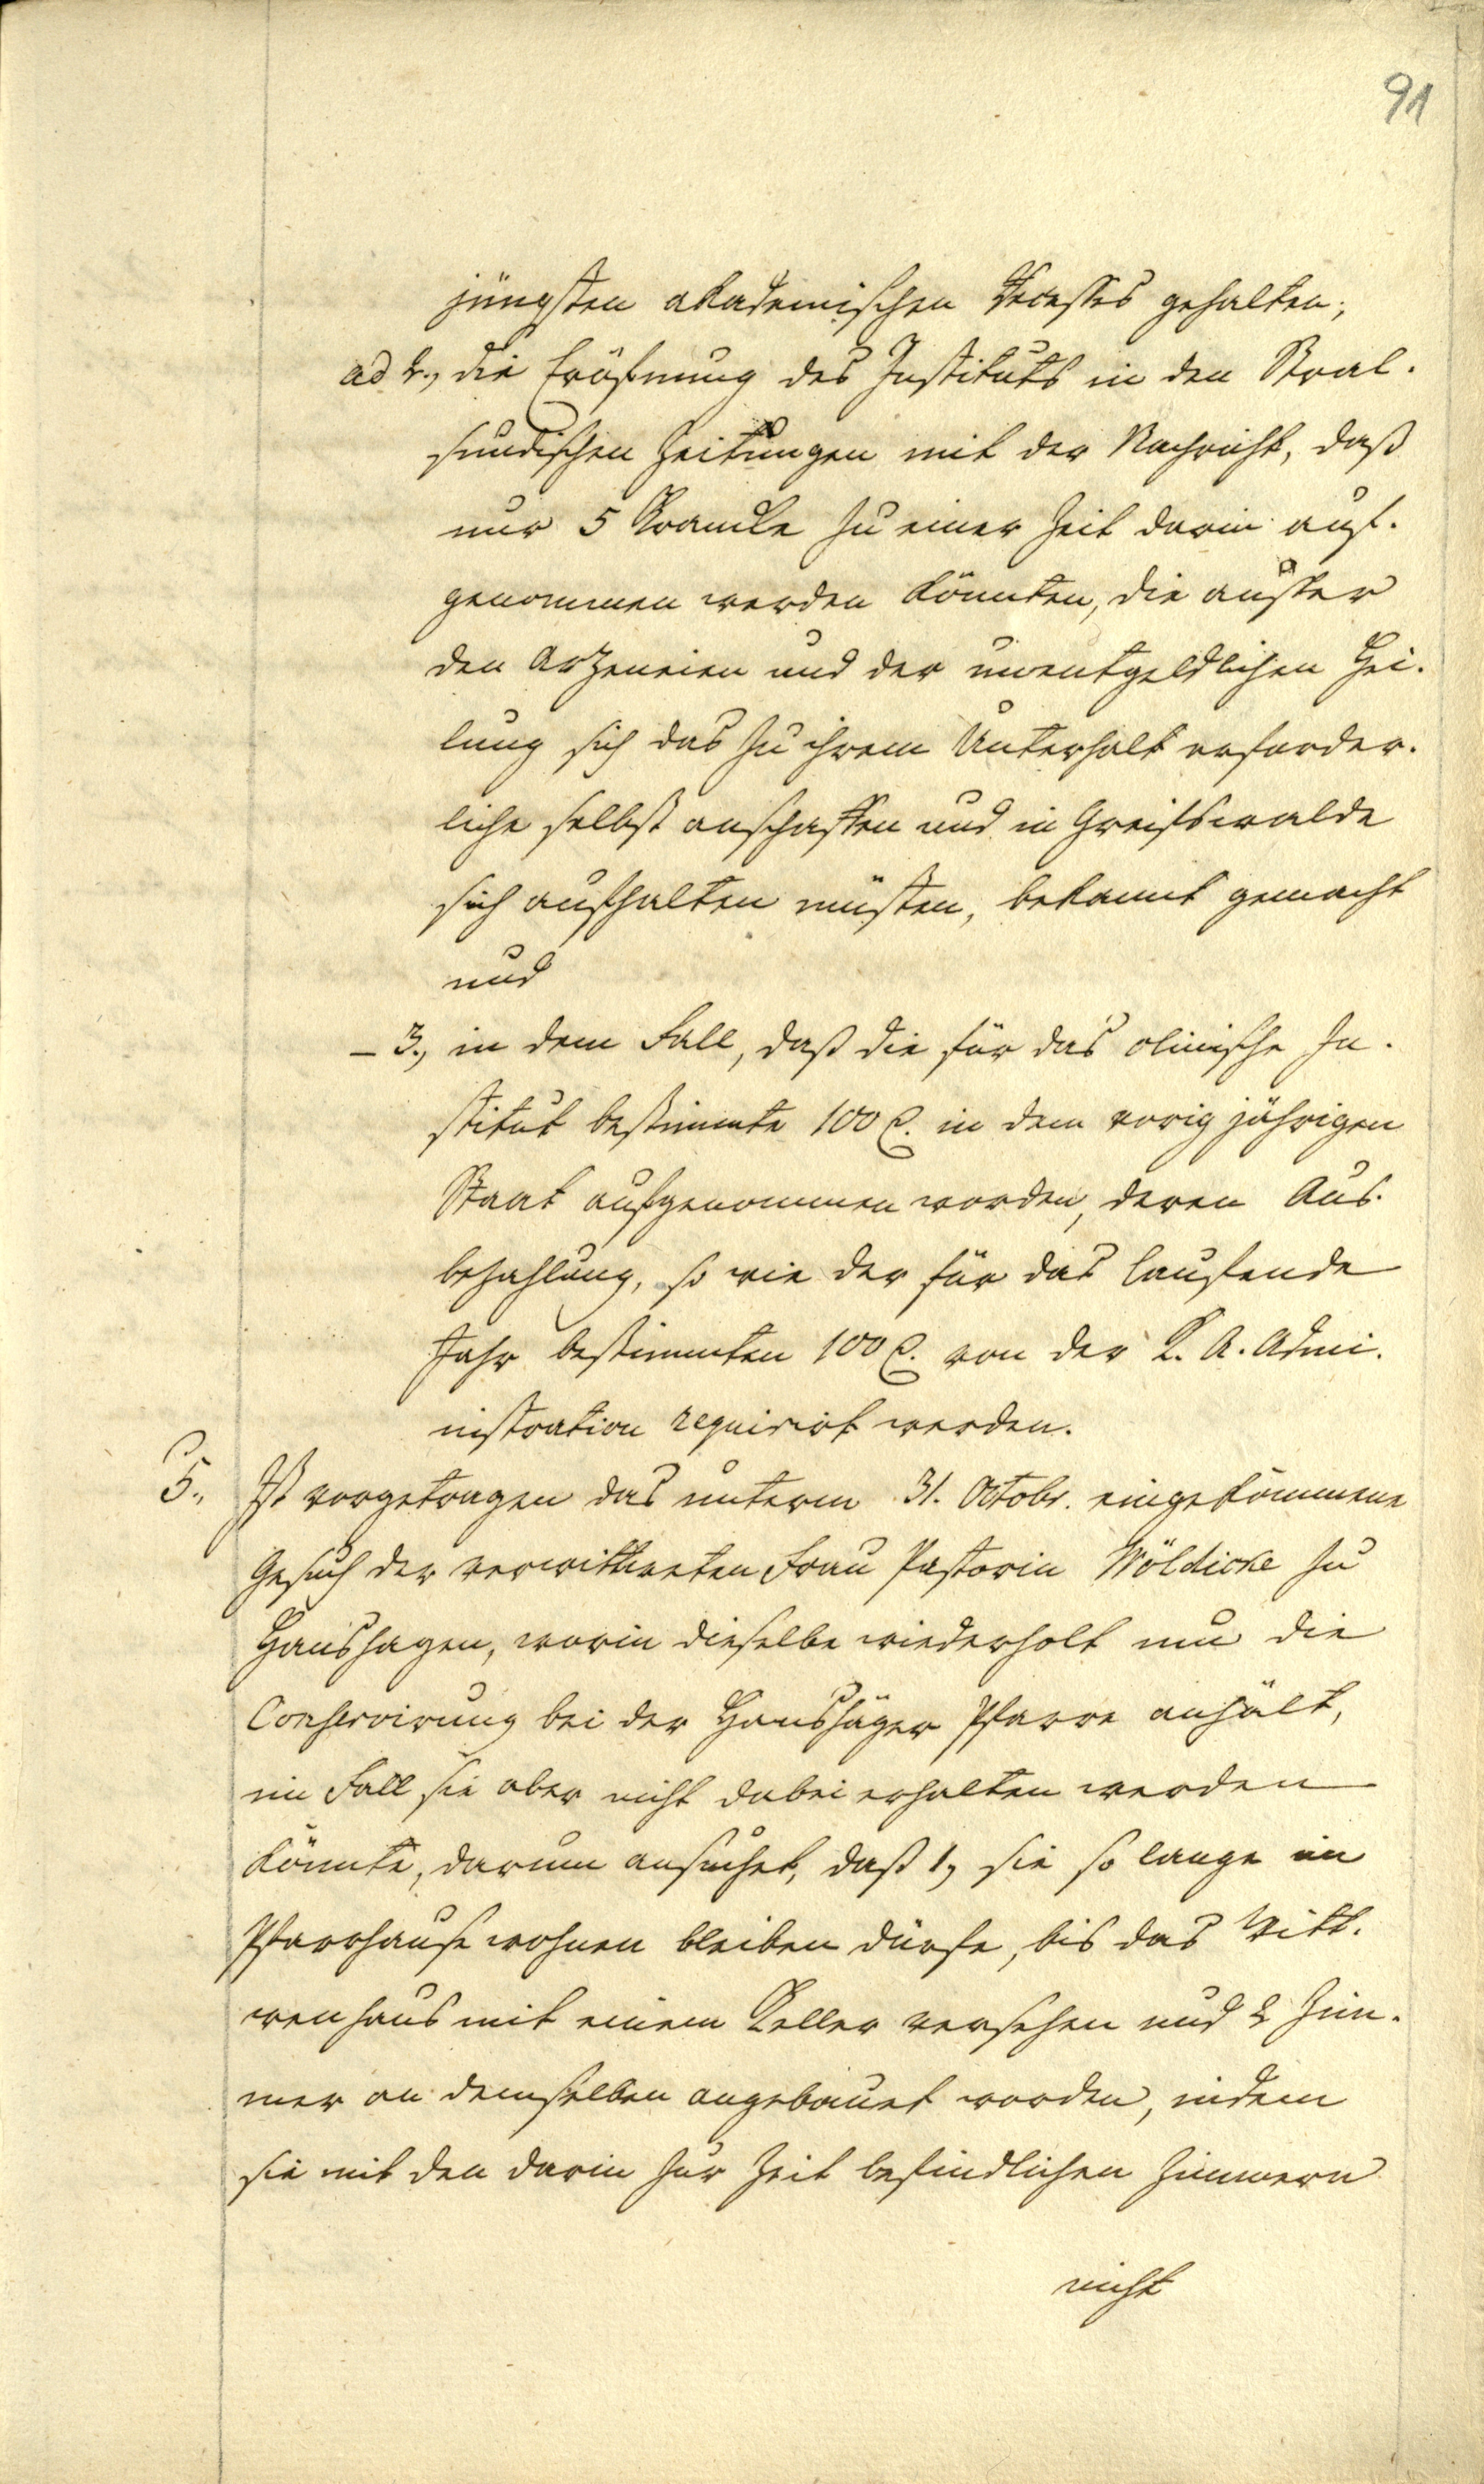jüngsten akademischen Recesses gehalten;
ad 2., die Eröfnung des Instituts in den Stral¬
sundischen Zeitungen mit der Nachricht, daß
nur 5 Krancke zu einer Zeit darin auf¬
genommen werden könnten, die ausser
den Arzeneien und der unentgeldlichen Hei¬
lung sich das zu ihrem Unterhalt erforder¬
liche selbst anschaffen und in Greifswalde
sich aufhalten müßten, bekannt gemacht
und
3., in dem Fall, daß die für das clinische In¬
stitut bestimmte 100 l. in dem vorig jährigen
Staat aufgenommen worden, deren Aus¬
bezahlung, so wie der für das laufende
Jahr bestimmten 100 l. von der K. A. Admi¬
nistration requirirt werden.
5., Ist vorgetragen das unterm 31. Octobr. eingekommene
Gesuch der verwittweten Frau Pastorin Wöldicke zu
Hanshagen, worin dieselbe wiederholt um die
Conservirung bei der Hanshäger Pfarre anhält,
im Fall sie aber nicht dabei erhalten werden
könnte, darum ansuchet, daß 1., sie so lange im
Pfarrhause wohnen bleiben dürfe, bis das Witt¬
wenhaus mit einem Keller versehen und 2 Zim¬
mer an demselben angebauet worden, indem
sie mit den darin zur Zeit befindlichen Zimmern
nicht